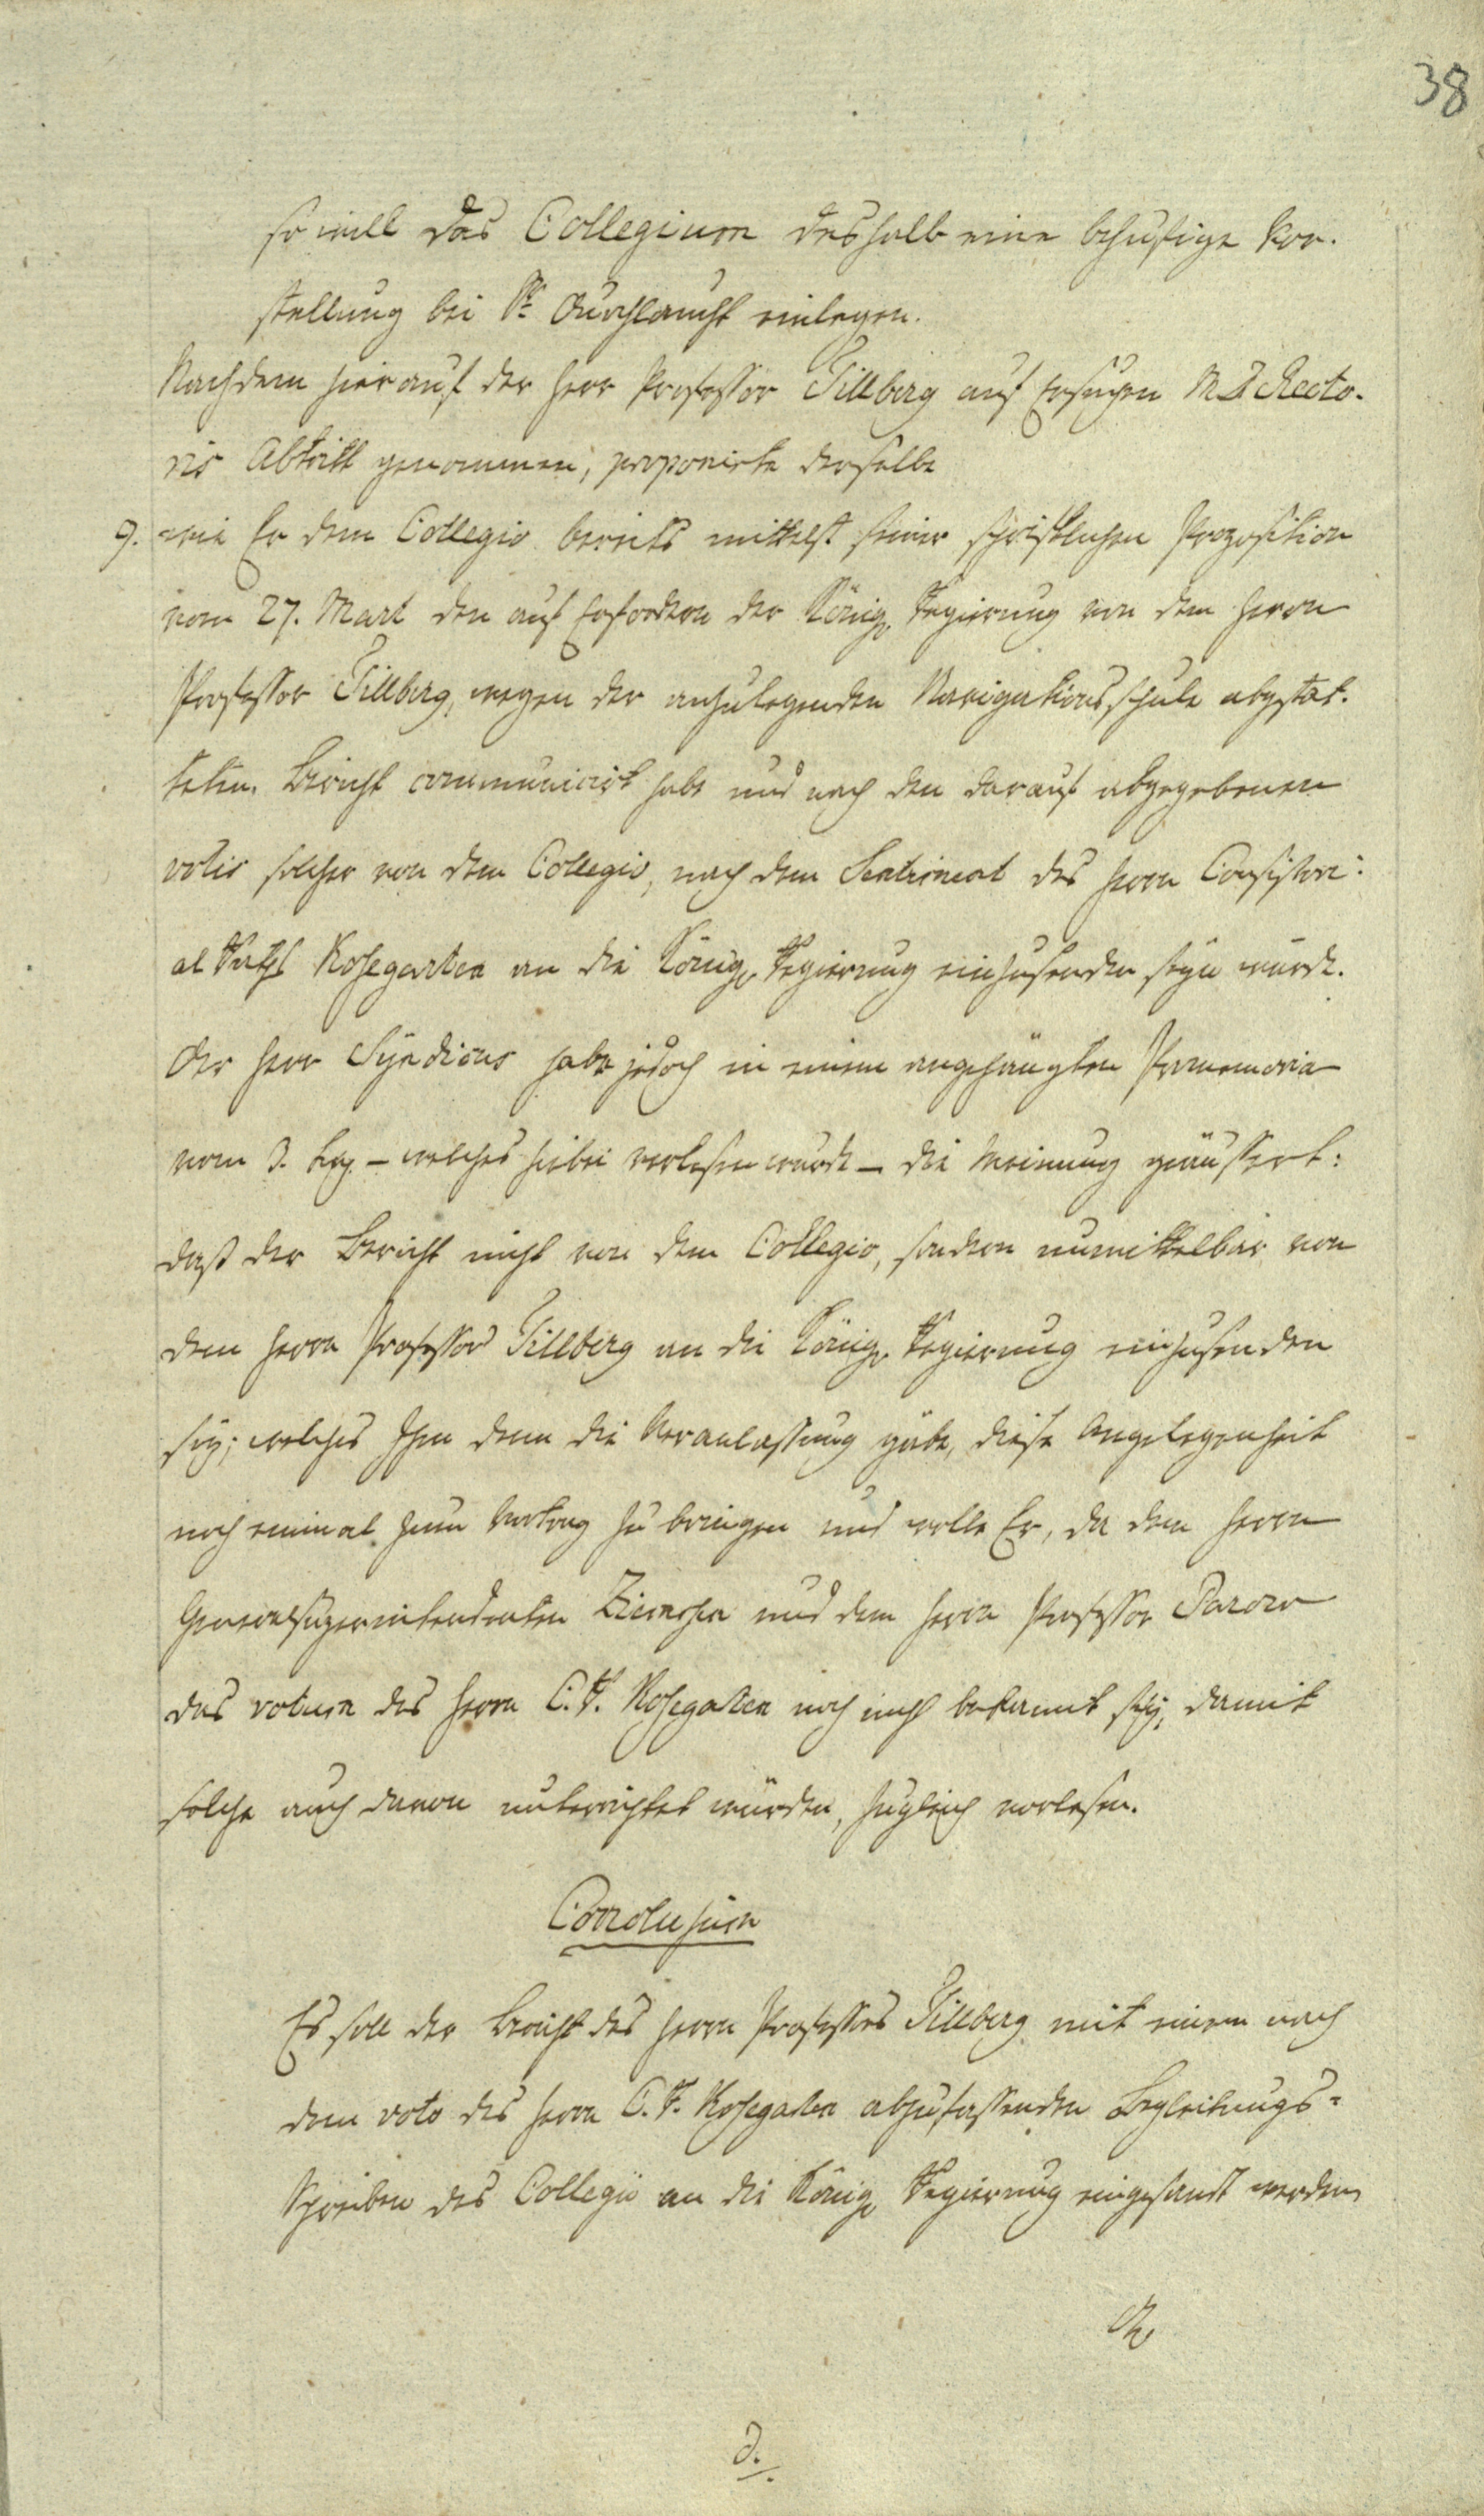so will das Collegium deshalb eine behufige Vor¬
stellung bei Sr Durchlaucht einlegen.
Nachdem hierauf der Herr Professor Tillberg auf Ersuchen M D. Rector¬
ris Abtritt genommen; proponirte derselbe
9. wie Er dem Collegio bereits mittelst seiner schriftlichen Proposition
vom 27. Mart den auf Erfordern der Königl. Regierung von dem Herrn
Professor Tillberg, wegen der anzulegenden Navigationsschule abgestat¬
teten Bericht communicirt habe und nach den darauf abgegebenen
votis solcher von dem Collegio, nach dem Sentiment des Herrn Consistori¬
al Raths Kosegarten an die Königl. Regierung einzusenden seÿn würde.
Der Herr Sÿndicus habe jedoch in einem angehängten Promemoria
vom 3. huj. - welches hiebei verlesen wurde - die Meinung geäussert:
daß der Bericht nicht von dem Collegio, sondern unmittelbar von
dem Herrn Professor Tillberg an die König. Regierung einzusenden
seÿ, welches Ihm denn die Veranlassung gäbe, diese Angelegenheit
noch einmal zum Vortrag zu bringen und wolle Er, da dem Herrn
Generalsuperintendenten Ziemssen und dem Herrn Professor Parow
das votum des Herrn C. R. Kosegarten noch nicht bekannt seÿ, damit
solche auch davon unterrichtet würden, zugleich vorlesen.
Conclusum
Er soll der Bericht des Herrn Professors Tillberg mit einem nach
dem voto des Herrn C. R. Kosegarten abzufassenden Begleitungs¬
Schreiben des Collegi an die König. Regierung eingesandt werden,
dh